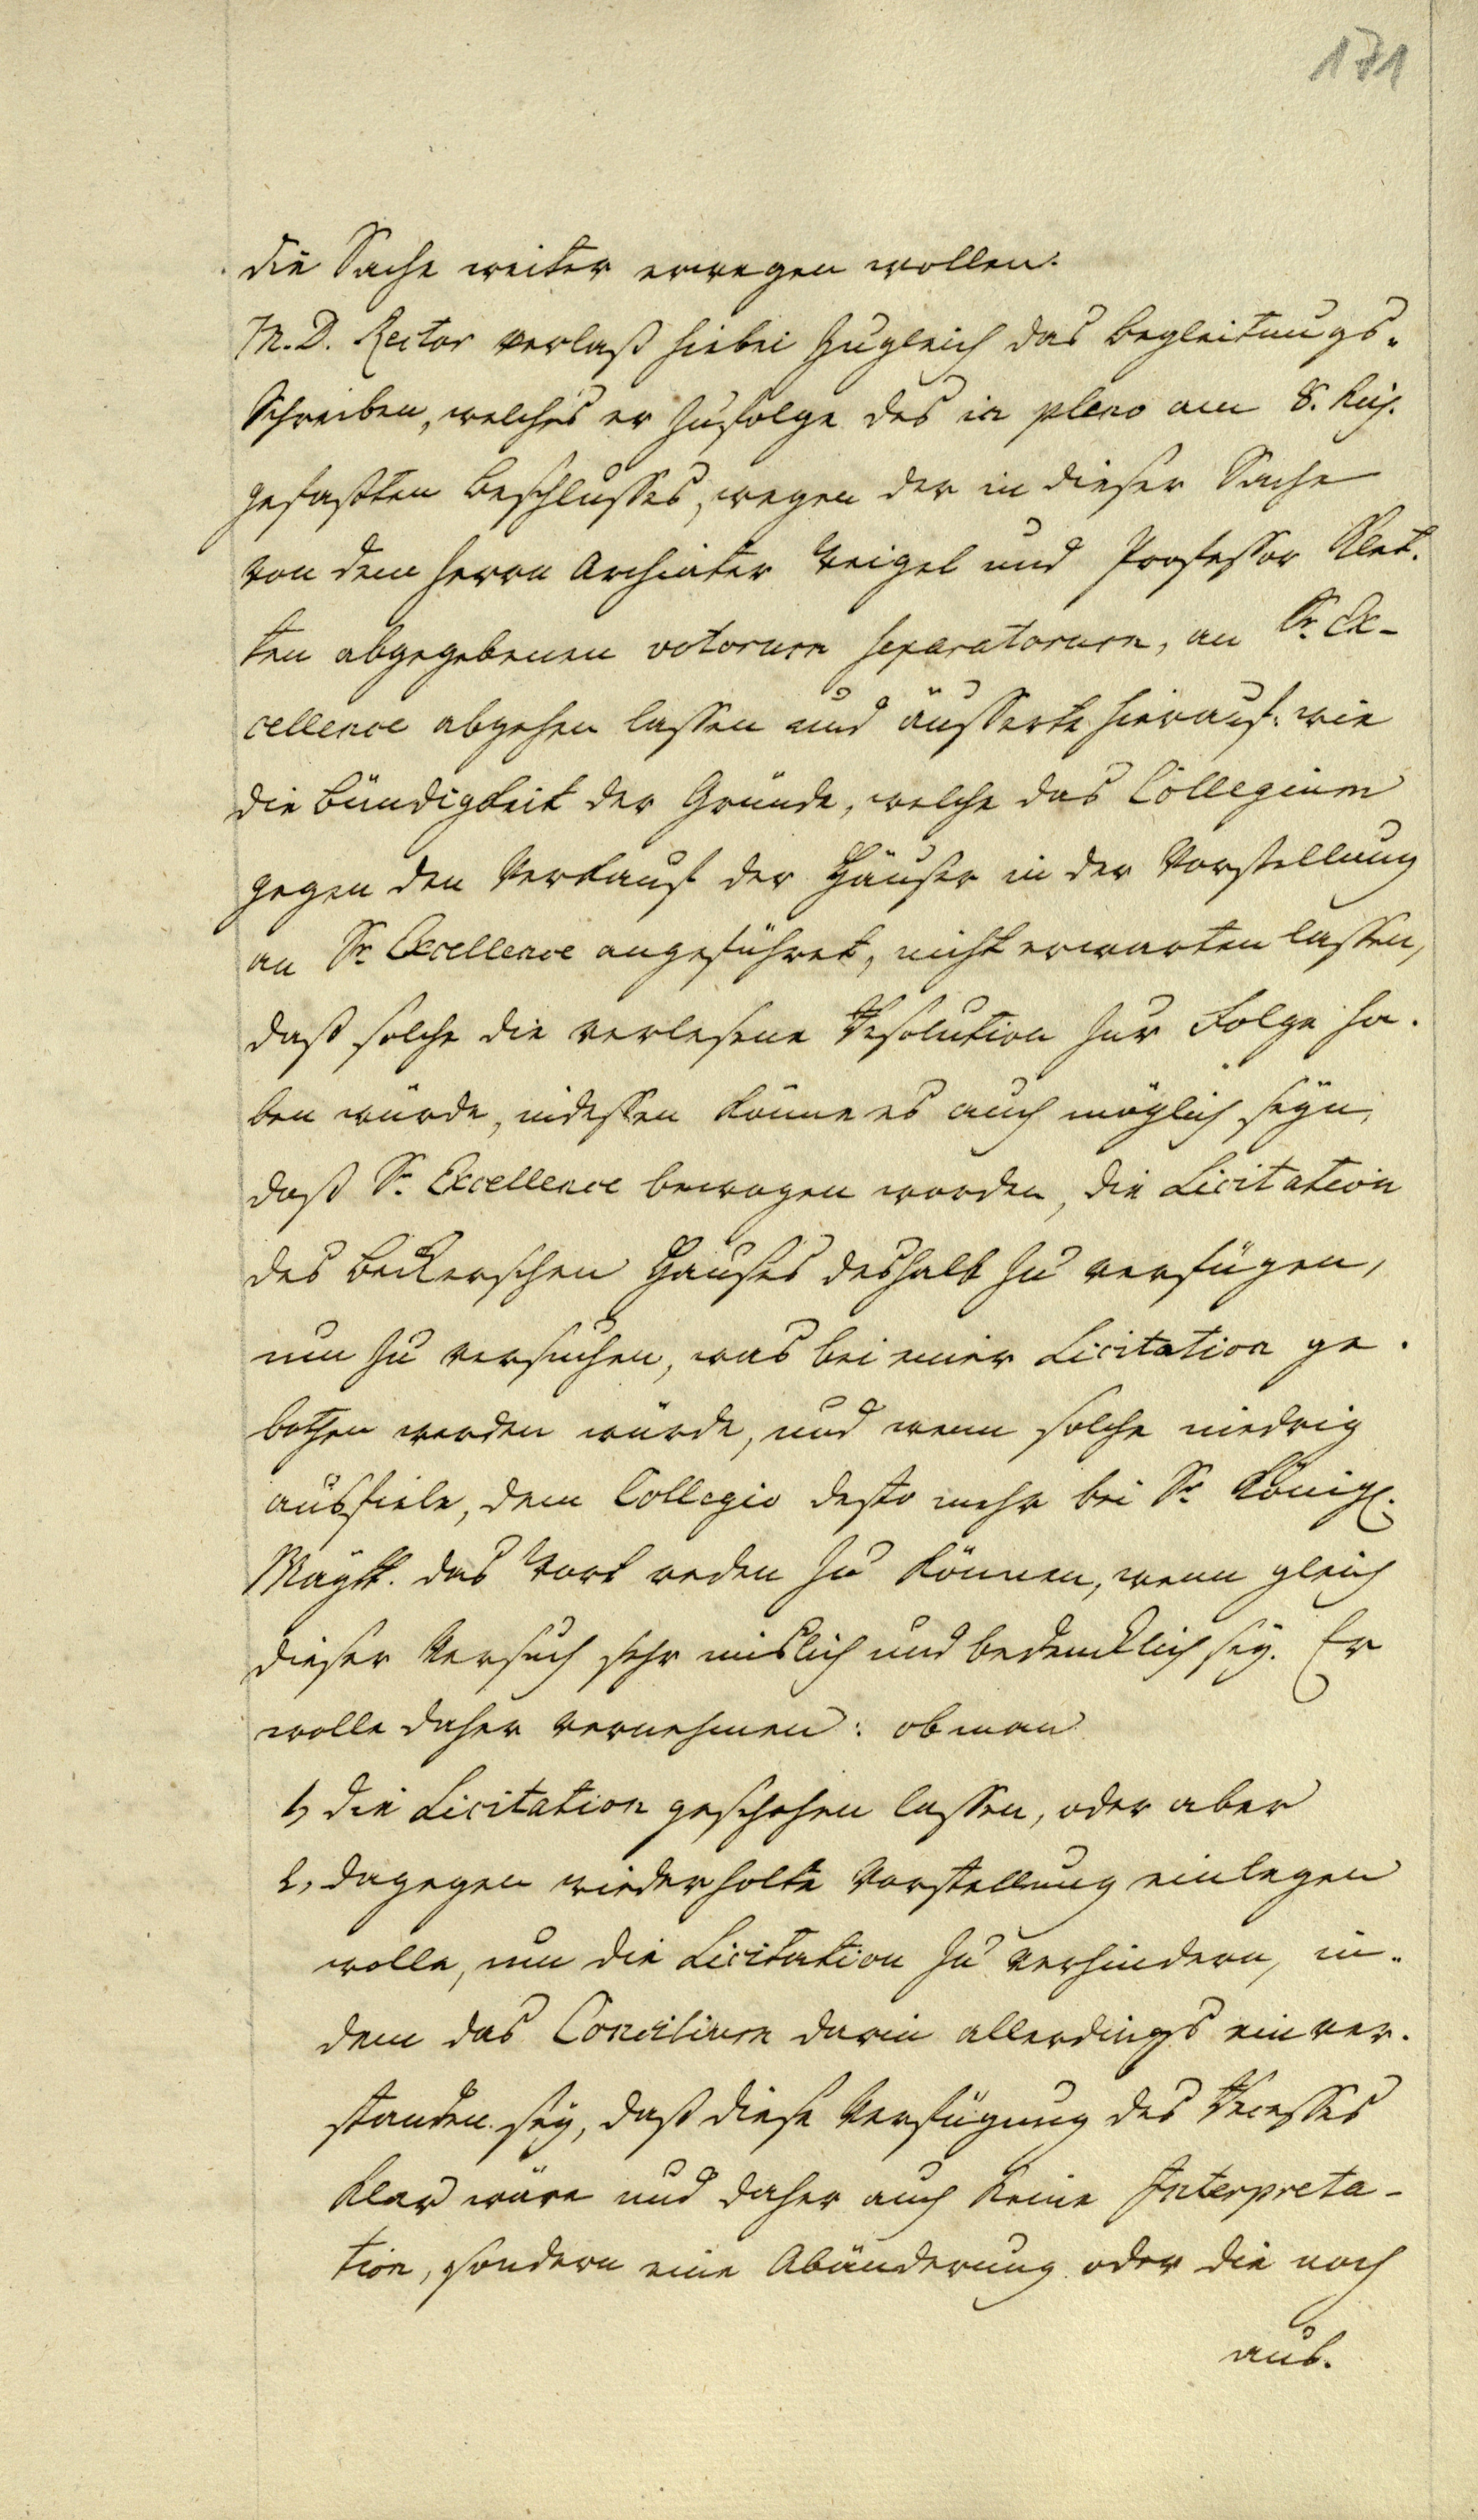die Sache weiter erwegen wollen.
M. D. Rector verlaß hiebei zugleich das Begleitungs¬
Schreiben, welches er zufolge des in pleno am 8. huj.
gefaßten Beschlusses, wegen der in dieser Sache
von dem Herrn Archiater Weigel und Professor Klet¬
ten abgegebenen votorum separatorum, an Sr Ex¬
cellence abgehen lassen und äusserte hierauf: wie
die Bündigkeit der Gründe, welche das Collegium
gegen den Verkauf der Häuser in der Vorstellung
an Sr Excellence angeführet, nicht erwarten lassen,
daß solche die verlesene Resolution zur Folge ha¬
ben würde, indessen könne es auch möglich seÿn,
daß Sr. Excellence bewogen worden, die Licitation
des Beckerschen Hauses deshalb zu verfügen,
um zu versuchen, was bei einer Licitation ge¬
bothen werden würde, und wenn solche niedrig
aufiele, dem Collegio desto mehr bei Sr Königl.
Maÿtt. das Wort reden zu können, wenn gleich
dieser Versuch sehr mislich und bedencklich seÿ. Er
wolle daher vernehmen: ob man
1., die Licitation geschehen lassen, oder aber
2, dagegen wiederholte Vorstellung einlegen
wolle, um die Licitation zu verhindern, in¬
dem das Concilium darin allerdings einver¬
standen seÿ, daß diese Verfügung des Recesses
klar wäre und daher auch keine Interpreta¬
tion, sondern eine Abänderung oder die noch
aus